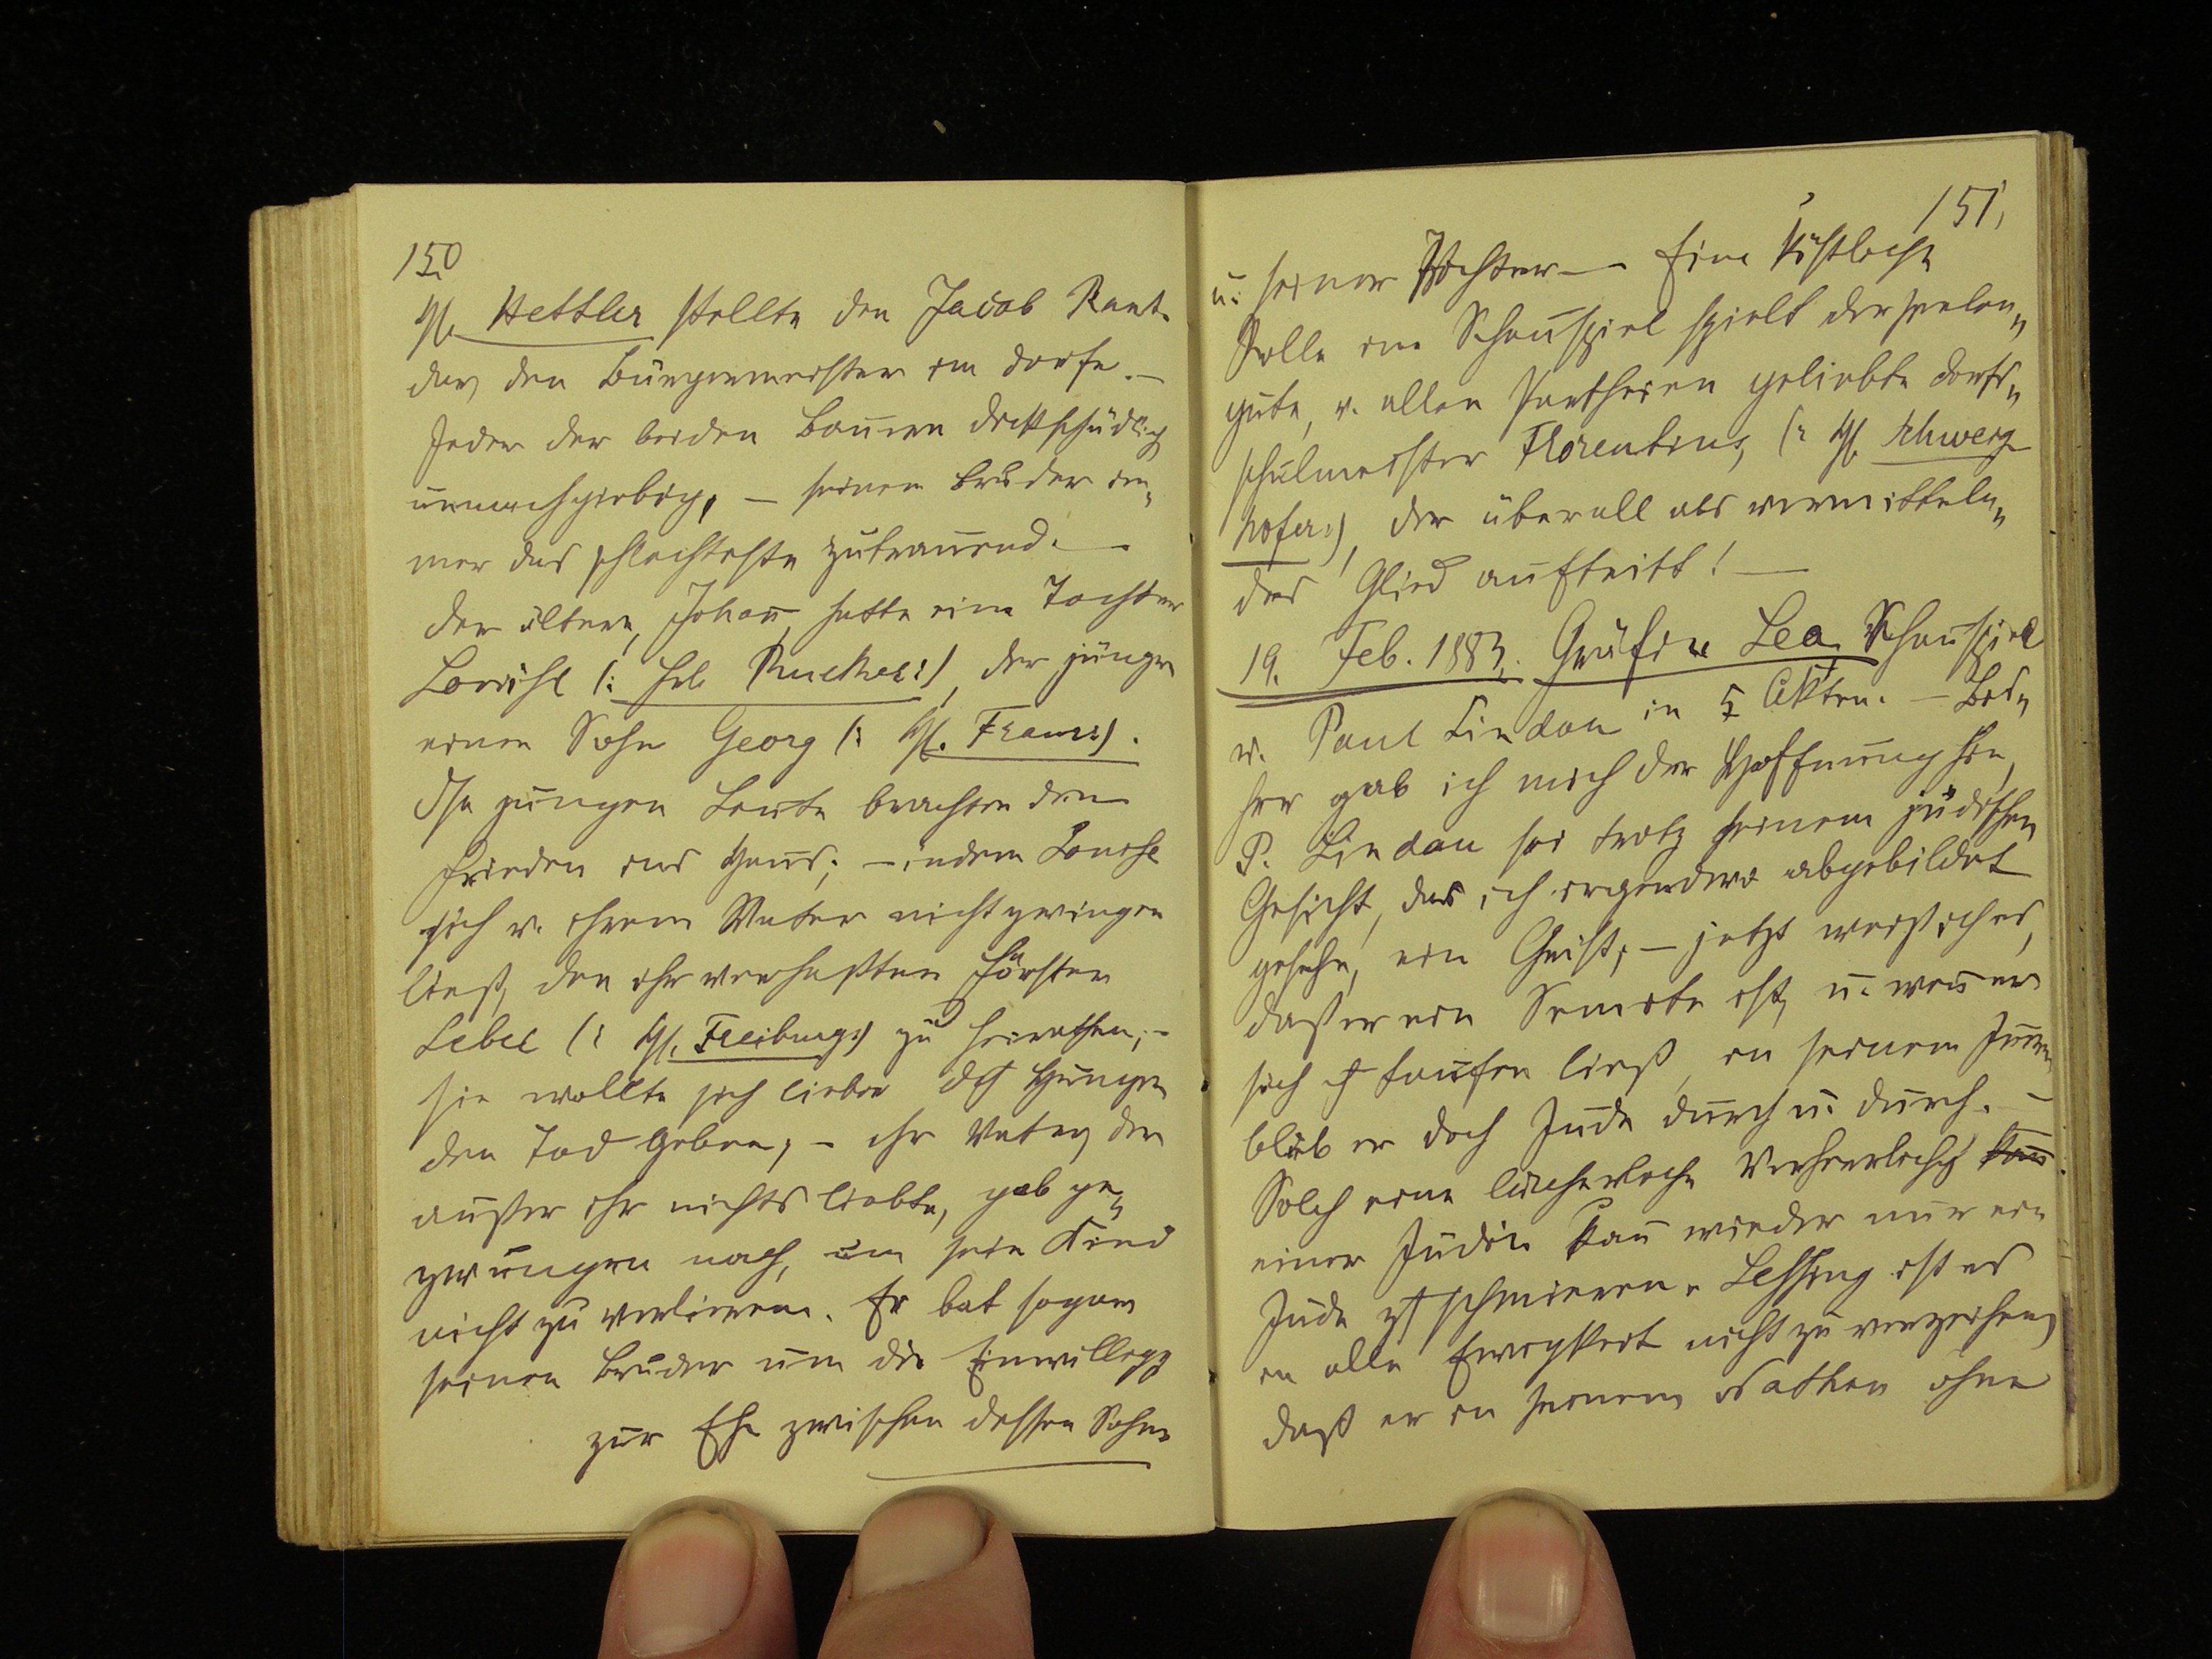150
Herr Hettler stellte den Jakob Ranther
dar, der Bürgermeister vom Dorfe.-
Jeder der beiden Bauern dickschädlich,
unnachgiebig,- seinem Bruder
das schlechteste zutrauend,-
der ältere Johann, hatte eine Tochter
Louise ( : Frl. Rucker: ), der jüngere
einen Sohn Georg (:H. Franz:) .
Diese jungen Leute brachten den
Frieden ins Haus:-indem Luoise
sich von ihrem Vater nicht zwingen
ließ, den ihr verhaßten Förster
Lebec (:H. Freiburg : ) zu heiraten.
Sie wolte sich lieber durch Hunger
den Tod geben.,- ihr Vater der
der außer ihr nichts liebte, gab ge¬
zwungenermaßen nach , um sein Kind
nicht zu verlieren.Er bat sogar
seinen Bruder um die Einwilligung
zur Ehe zwischen dessen Sohn
151
und seiner Tochter.- Eine köstlich
Rolle im Schauspiel spielt der selen¬
gute , von allen Partheien geliebte Dorf¬
schulmeister Florentins (:H. Schwerg
Hofer:), der überall als vermitteln¬
des Glied auftritt.—
19. Februar .“ Gräfin Lea“…Schauspiel
von Paul Lindau in 4 Akten. Bis¬
her gab ich mich der Hoffnung hin
P.Lindau sei trotz seines jüdischen
Gesichts das ich irgendwo abgebildet
gesehen, ein Christ .- Jetzt weiß ich es
daß er ein Semite ist, und weiß er
sich auch taufen ließ, in seinem Inneren
blieb er doch Jude durch und durch.-
Solch eine lächerliche Verherrlichung
einer Jüdin kann wieder nur ein
Jude zusammenschmieren. Lessing ist es
in alle Ewigkeit nicht zu verzeihen
daß er in seinem Nathan ohne